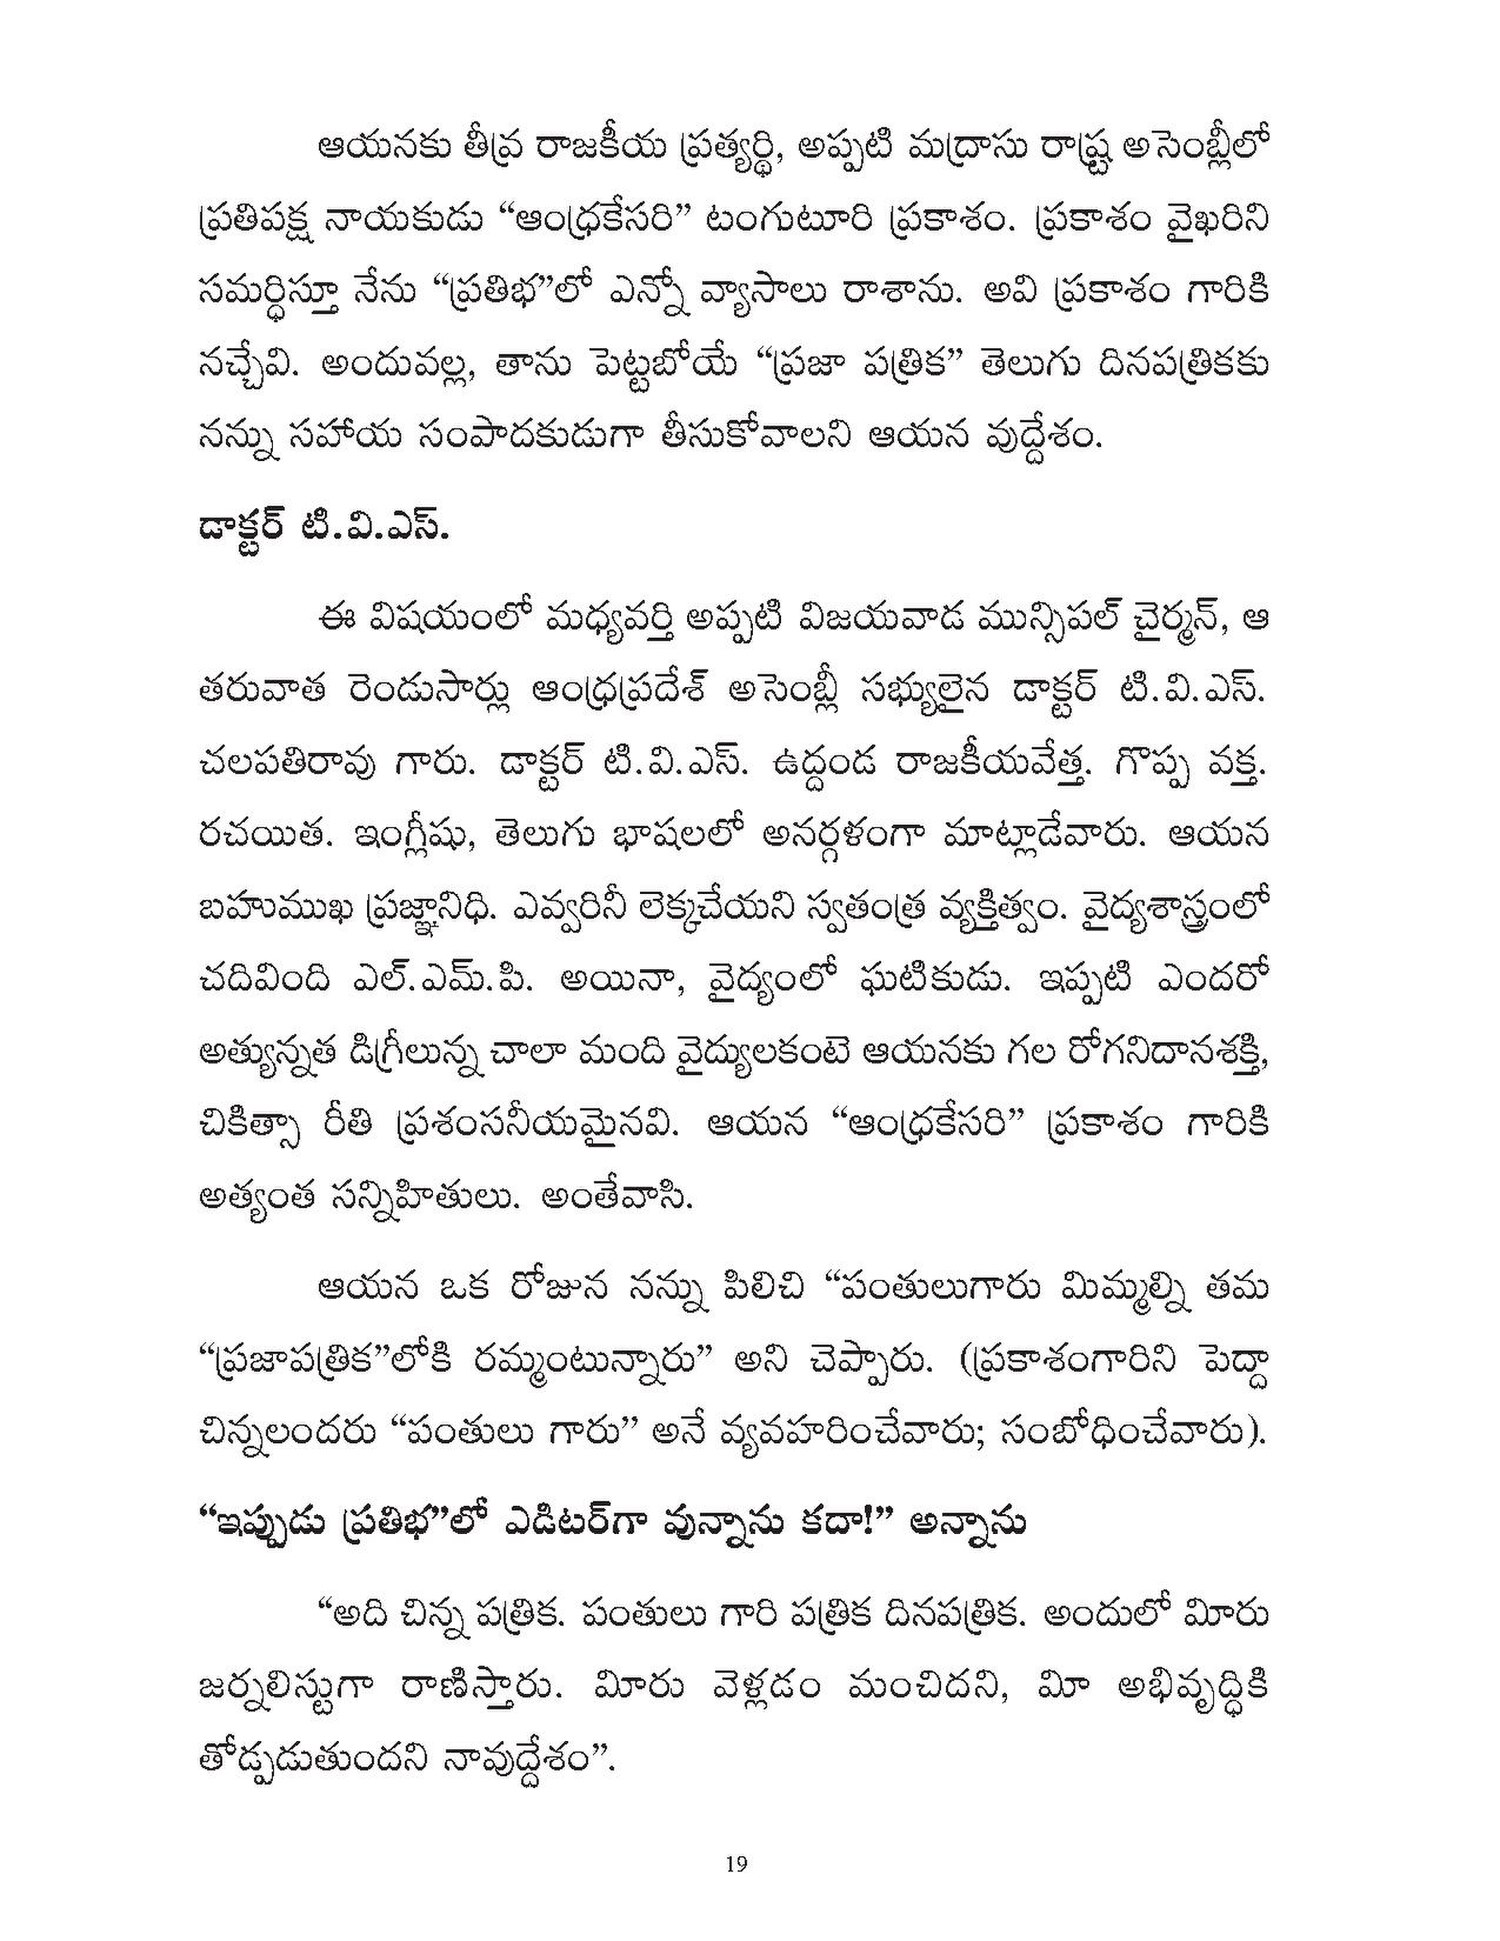ఆయనకు తీవ్ర రాజకీయ ప్రత్యర్థి, అప్పటి మద్రాసు రాష్ట్ర అసెంబ్లీలో
ప్రతిపక్ష నాయకుడు "ఆంధ్రకేసరి" టంగుటూరి ప్రకాశం. ప్రకాశం వైఖరిని
సమర్ధిస్తూ నేను "ప్రతిభ"లో ఎన్నో వ్యాసాలు రాశాను. అవి ప్రకాశం గారికి
నచ్చేవి. అందువల్ల, తాను పెట్టబోయే "ప్రజా పత్రిక" తెలుగు దినపత్రికకు
నన్ను సహాయ సంపాదకుడుగా తీసుకోవాలని ఆయన వుద్దేశం.

డాక్టర్ టి.వి.ఎస్‌.
ఈ విషయంలో మధ్యవర్తి అప్పటి విజయవాడ మున్సిపల్‌ చైర్మన్‌, ఆ
తరువాత రెండుసార్లు ఆంధ్రప్రదేశ్‌ అసెంబ్లీ సభ్యులైన డాక్టర్ టి.వి.ఎస్‌.
చలపతిరావు గారు. డాక్టర్ టి.వి.ఎస్‌. ఉద్దండ రాజకీయవేత్త. గొప్ప వక్త.
రచయిత. ఇంగ్లీషు, తెలుగు భాషలలో అనర్గళంగా మాట్లాడేవారు. ఆయన
బహుముఖ ప్రజ్ఞానిధి. ఎవ్వరినీ లెక్కచేయని స్వతంత్ర వ్యక్తిత్వం. వైద్యశాస్త్రంలో
చదివింది ఎల్‌.ఎమ్‌.పి. అయినా, వైద్యంలో ఘటికుడు. ఇప్పటి ఎందరో
అత్యున్నత డిగ్రీలున్న చాలా మంది వైద్యులకంటె ఆయనకు గల రోగనిదానశక్తి,
చికిత్సా రీతి ప్రశంసనీయమైనవి. ఆయన "ఆంధ్రకేసరి" ప్రకాశం గారికి
అత్యంత సన్నిహితులు. అంతేవాసి.

ఆయన ఒక రోజున నన్ను పిలిచి "పంతులుగారు మిమ్మల్ని తమ
"ప్రజాపత్రిక"లోకి రమ్మంటున్నారు" అని చెప్పారు. (ప్రకాశంగారిని పెద్దా
చిన్నలందరు "పంతులు గారు" అనే వ్యవహరించేవారు; సంబోధించేవారు).

"ఇప్పుడు ప్రతిభ"లో ఎడిటర్‌గా వున్నాను కదా!" అన్నాను

"అది చిన్న పత్రిక. పంతులు గారి పత్రిక దినపత్రిక. అందులో మీరు
జర్నలిస్టుగా రాణిస్తారు. మీరు వెళ్లడం మంచిదని, మీ అభివృద్ధికి
తోడ్పడుతుందని నావుద్దేశం".